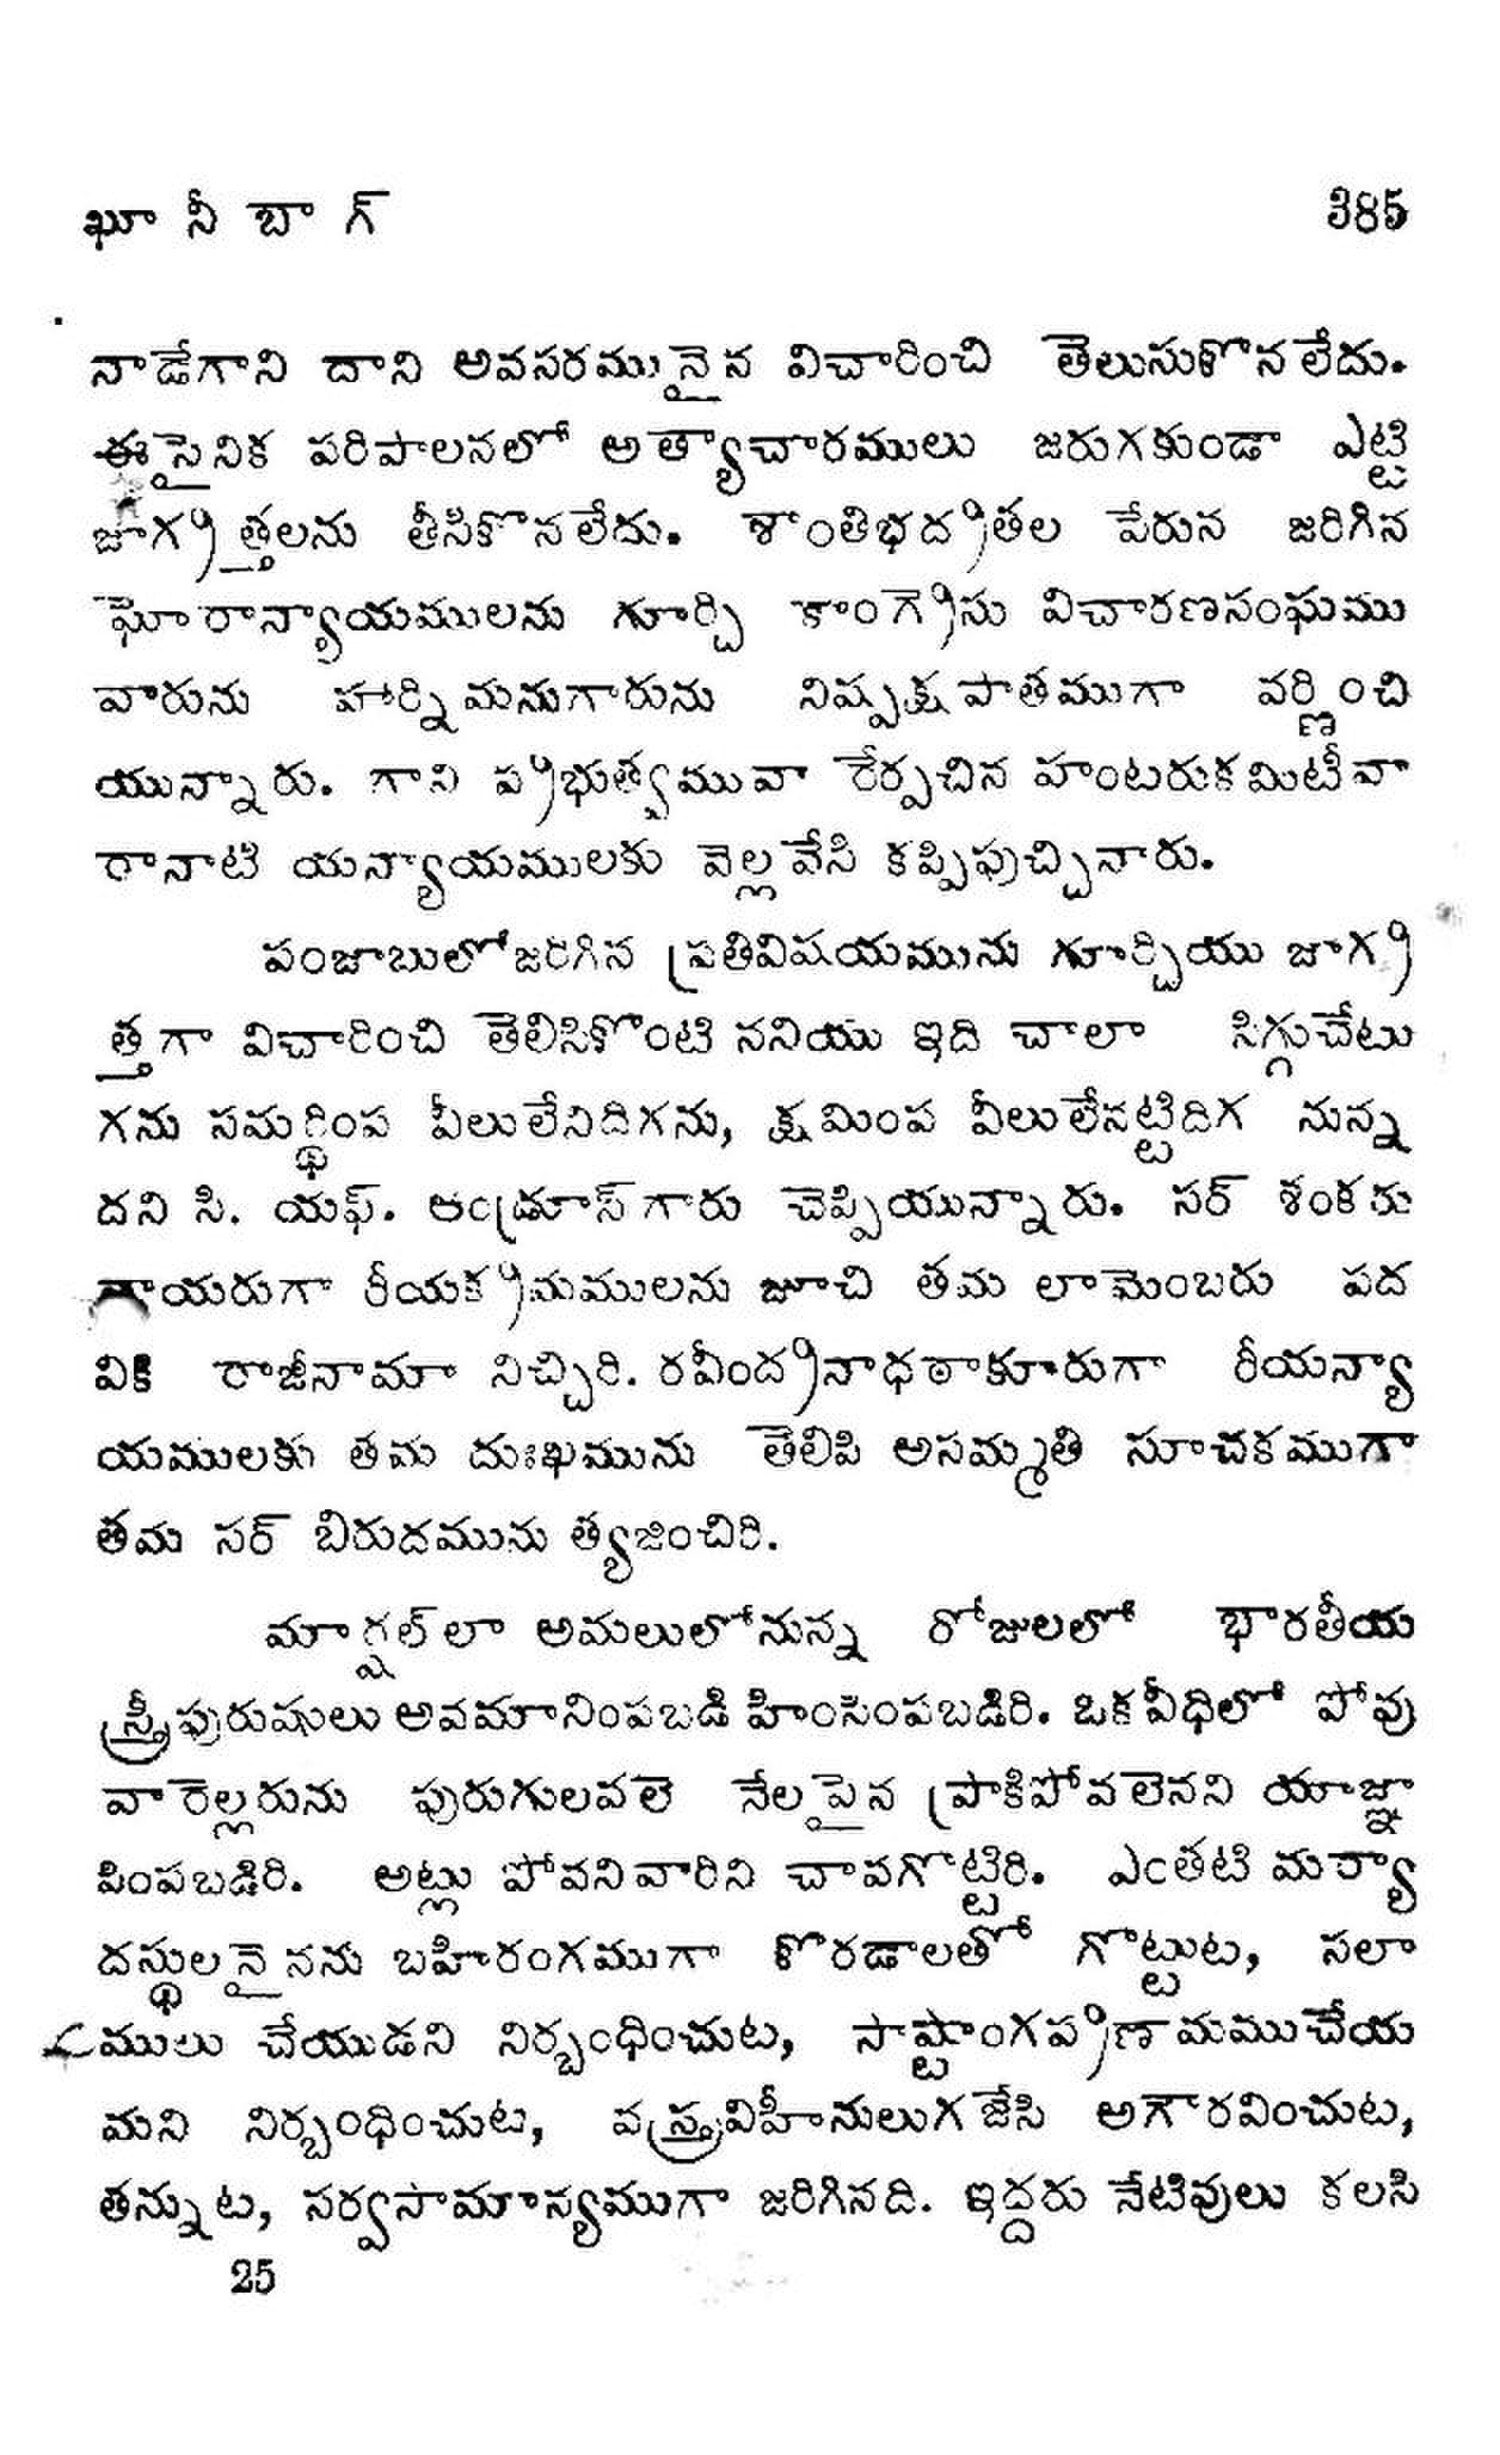నాడేగాని దాని అవసరమునైన విచారించి తెలుసుకొనలేదు. ఈసైనిక పరిపాలనలో అత్యాచారములు జరుగకుండా ఎట్టి జాగ్రత్తలను తీసికొనలేదు. శాంతిభద్రతల పేరున జరిగిన ఘోరాన్యాయములను గూర్చి కాంగ్రెసు విచారణసంఘము వారును హార్నిమనుగారును నిష్పక్షపాతముగా వర్ణించియున్నారు. గాని ప్రభుత్వమువా రేర్పచిన హంటరుకమిటీవా రానాటి యన్యాయములకు వెల్లవేసి కప్పిపుచ్చినారు.

పంజాబులోజరిగిన ప్రతివిషయమును గూర్చియు జాగ్రత్తగా విచారించి తెలిసికొంటి ననియు ఇది చాలా సిగ్గుచేటుగను సమర్థింప వీలులేనిదిగను, క్షమింప వీలు లేనట్టిదిగ నున్నదని సి. యఫ్. ఆండ్రూస్ గారు చెప్పియున్నారు. సర్ శంకరు నాయరుగా రీయక్రమములను జూచి తమ లామెంబరు పదవికి రాజీనామా నిచ్చిరి. రవీంధ్రనాధఠాకూరుగా రీయన్యాయములకు తమ దుఃఖమును తెలిపి అసమ్మతి సూచకముగా తమ సర్ బిరుదమును త్యజించిరి.

మార్షల్ లా అమలులోనున్న రోజులలో భారతీయ స్త్రీపురుషులు అవమానింపబడి హింసింపబడిరి. ఒకవీధిలో పోవు వారెల్లరును పురుగులవలె నేలపైన ప్రాకిపోవలెనని యాజ్ఞాపింపబడిరి. అట్లు పోవనివారిని చావగొట్టిరి. ఎంతటి మర్యాదస్థులనైనను బహిరంగముగా కొరడాలతో గొట్టుట, సలాములు చేయుడని నిర్బంధించుట, సాష్టాంగప్రణామము చేయమని నిర్బంధించుట, వస్త్రవిహీనులుగజేసి అగౌరవించుట, తన్నుట, సర్వసామాన్యముగా జరిగినది. ఇద్దరు నేటివులు కలసి